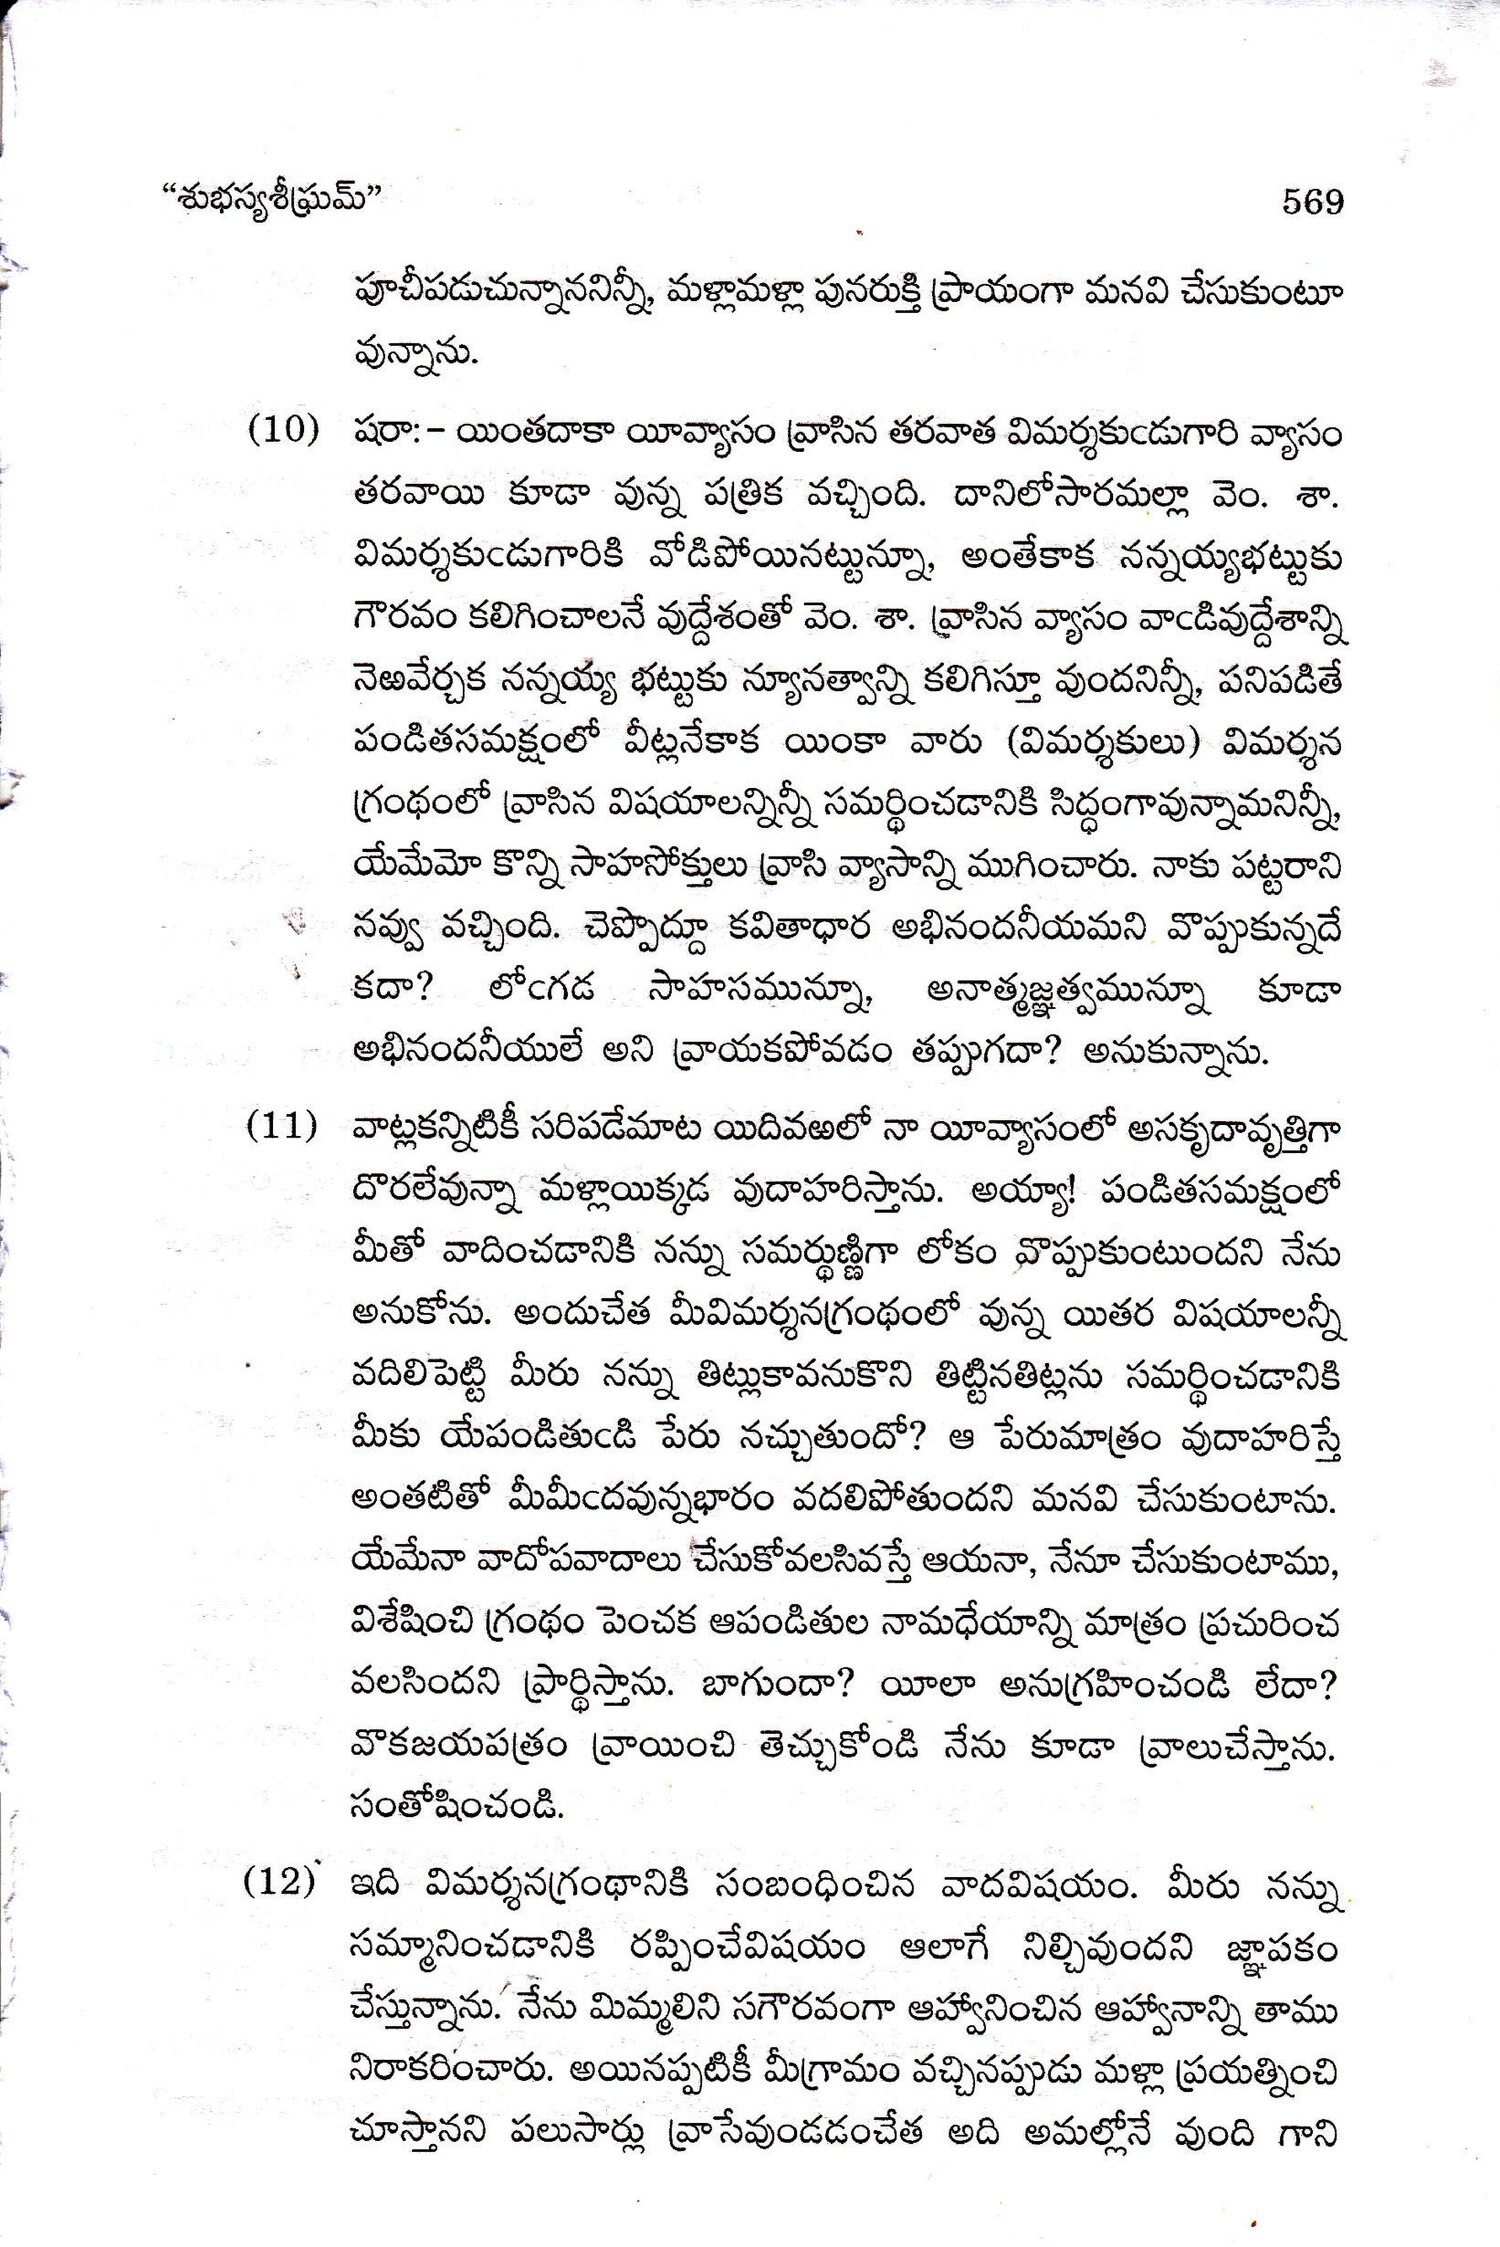పూచీపడుచున్నాననిన్నీ మళ్లామళ్లా పునరుక్తి ప్రాయంగా మనవి చేసుకుంటూ వున్నాను. -

(10) షరా:- యింతదాకా యీవ్యాసం వ్రాసిన తరవాత విమర్శకుఁడుగారి వ్యాసం తరవాయి కూడా వున్న పత్రిక వచ్చింది. దానిలోసారమల్లా వెం. శా. విమర్శకుఁడుగారికి వోడిపోయినట్టున్నూ అంతేకాక నన్నయ్యభట్టుకు గౌరవం కలిగించాలనే వుద్దేశంతో వెం. శా. వ్రాసిన వ్యాసం వాఁడివుద్దేశాన్ని నెఱవేర్చక నన్నయ్య భట్టుకు న్యూనత్వాన్ని కలిగిస్తూ వుందనిన్నీ పనిపడితే పండితసమక్షంలో వీట్లనేకాక యింకా వారు (విమర్శకులు) విమర్శన గ్రంథంలో వ్రాసిన విషయాలన్నిన్నీ సమర్ధించడానికి సిద్ధంగావున్నామనిన్నీ యేమేమో కొన్ని సాహసోక్తులు వ్రాసి వ్యాసాన్ని ముగించారు. నాకు పట్టరాని నవ్వు వచ్చింది. చెప్పొద్దూ కవితాధార అభినందనీయమని వొప్పుకున్నదే కదా? లోఁగడ సాహసమున్నూ అనాత్మజ్ఞత్వమున్నూ కూడా అభినందనీయులే అని వ్రాయకపోవడం తప్పుగదా? అనుకున్నాను.

(11)వాట్లకన్నిటికీ సరిపడేమాట యిదివఱలో నా యీవ్యాసంలో అసకృదావృత్తిగా దొరలేవున్నా మళ్లాయిక్కడ వుదాహరిస్తాను. అయ్యా! పండితసమక్షంలో మీతో వాదించడానికి నన్ను సమర్ధుణ్ణిగా లోకం వొప్పుకుంటుందని నేను అనుకోను. అందుచేత మీవిమర్శనగ్రంథంలో వున్న యితర విషయాలన్నీ వదిలిపెట్టి మీరు నన్ను తిట్లుకావనుకొని తిట్టినతిట్లను సమర్ధించడానికి మీకు యేపండితుఁడి పేరు నచ్చుతుందో? ఆ పేరుమాత్రం వుదాహరిస్తే అంతటితో మీమీఁదవున్నభారం వదలిపోతుందని మనవి చేసుకుంటాను. యేమేనా వాదోపవాదాలు చేసుకోవలసివస్తే ఆయనా, నేనూ చేసుకుంటాము, విశేషించి గ్రంథం పెంచక ఆపండితుల నామధేయాన్ని మాత్రం ప్రచురించ వలసిందని ప్రార్థిస్తాను. బాగుందా? యీలా అనుగ్రహించండి లేదా? వొకజయపత్రం వ్రాయించి తెచ్చుకోండి నేను కూడా వ్రాలుచేస్తాను. సంతోషించండి.

(12) ఇది విమర్శనగ్రంథానికి సంబంధించిన వాదవిషయం. మీరు నన్ను సమ్మానించడానికి రప్పించేవిషయం ఆలాగే నిల్చివుందని జ్ఞాపకం చేస్తున్నాను. నేను మిమ్మలిని సగౌరవంగా ఆహ్వానించిన ఆహ్వానాన్ని తాము నిరాకరించారు. అయినప్పటికీ మీగ్రామం వచ్చినప్పుడు మళ్లా ప్రయత్నించి చూస్తానని పలుసార్లు వ్రాసేవుండడంచేత అది అమల్లోనే వుంది గాని